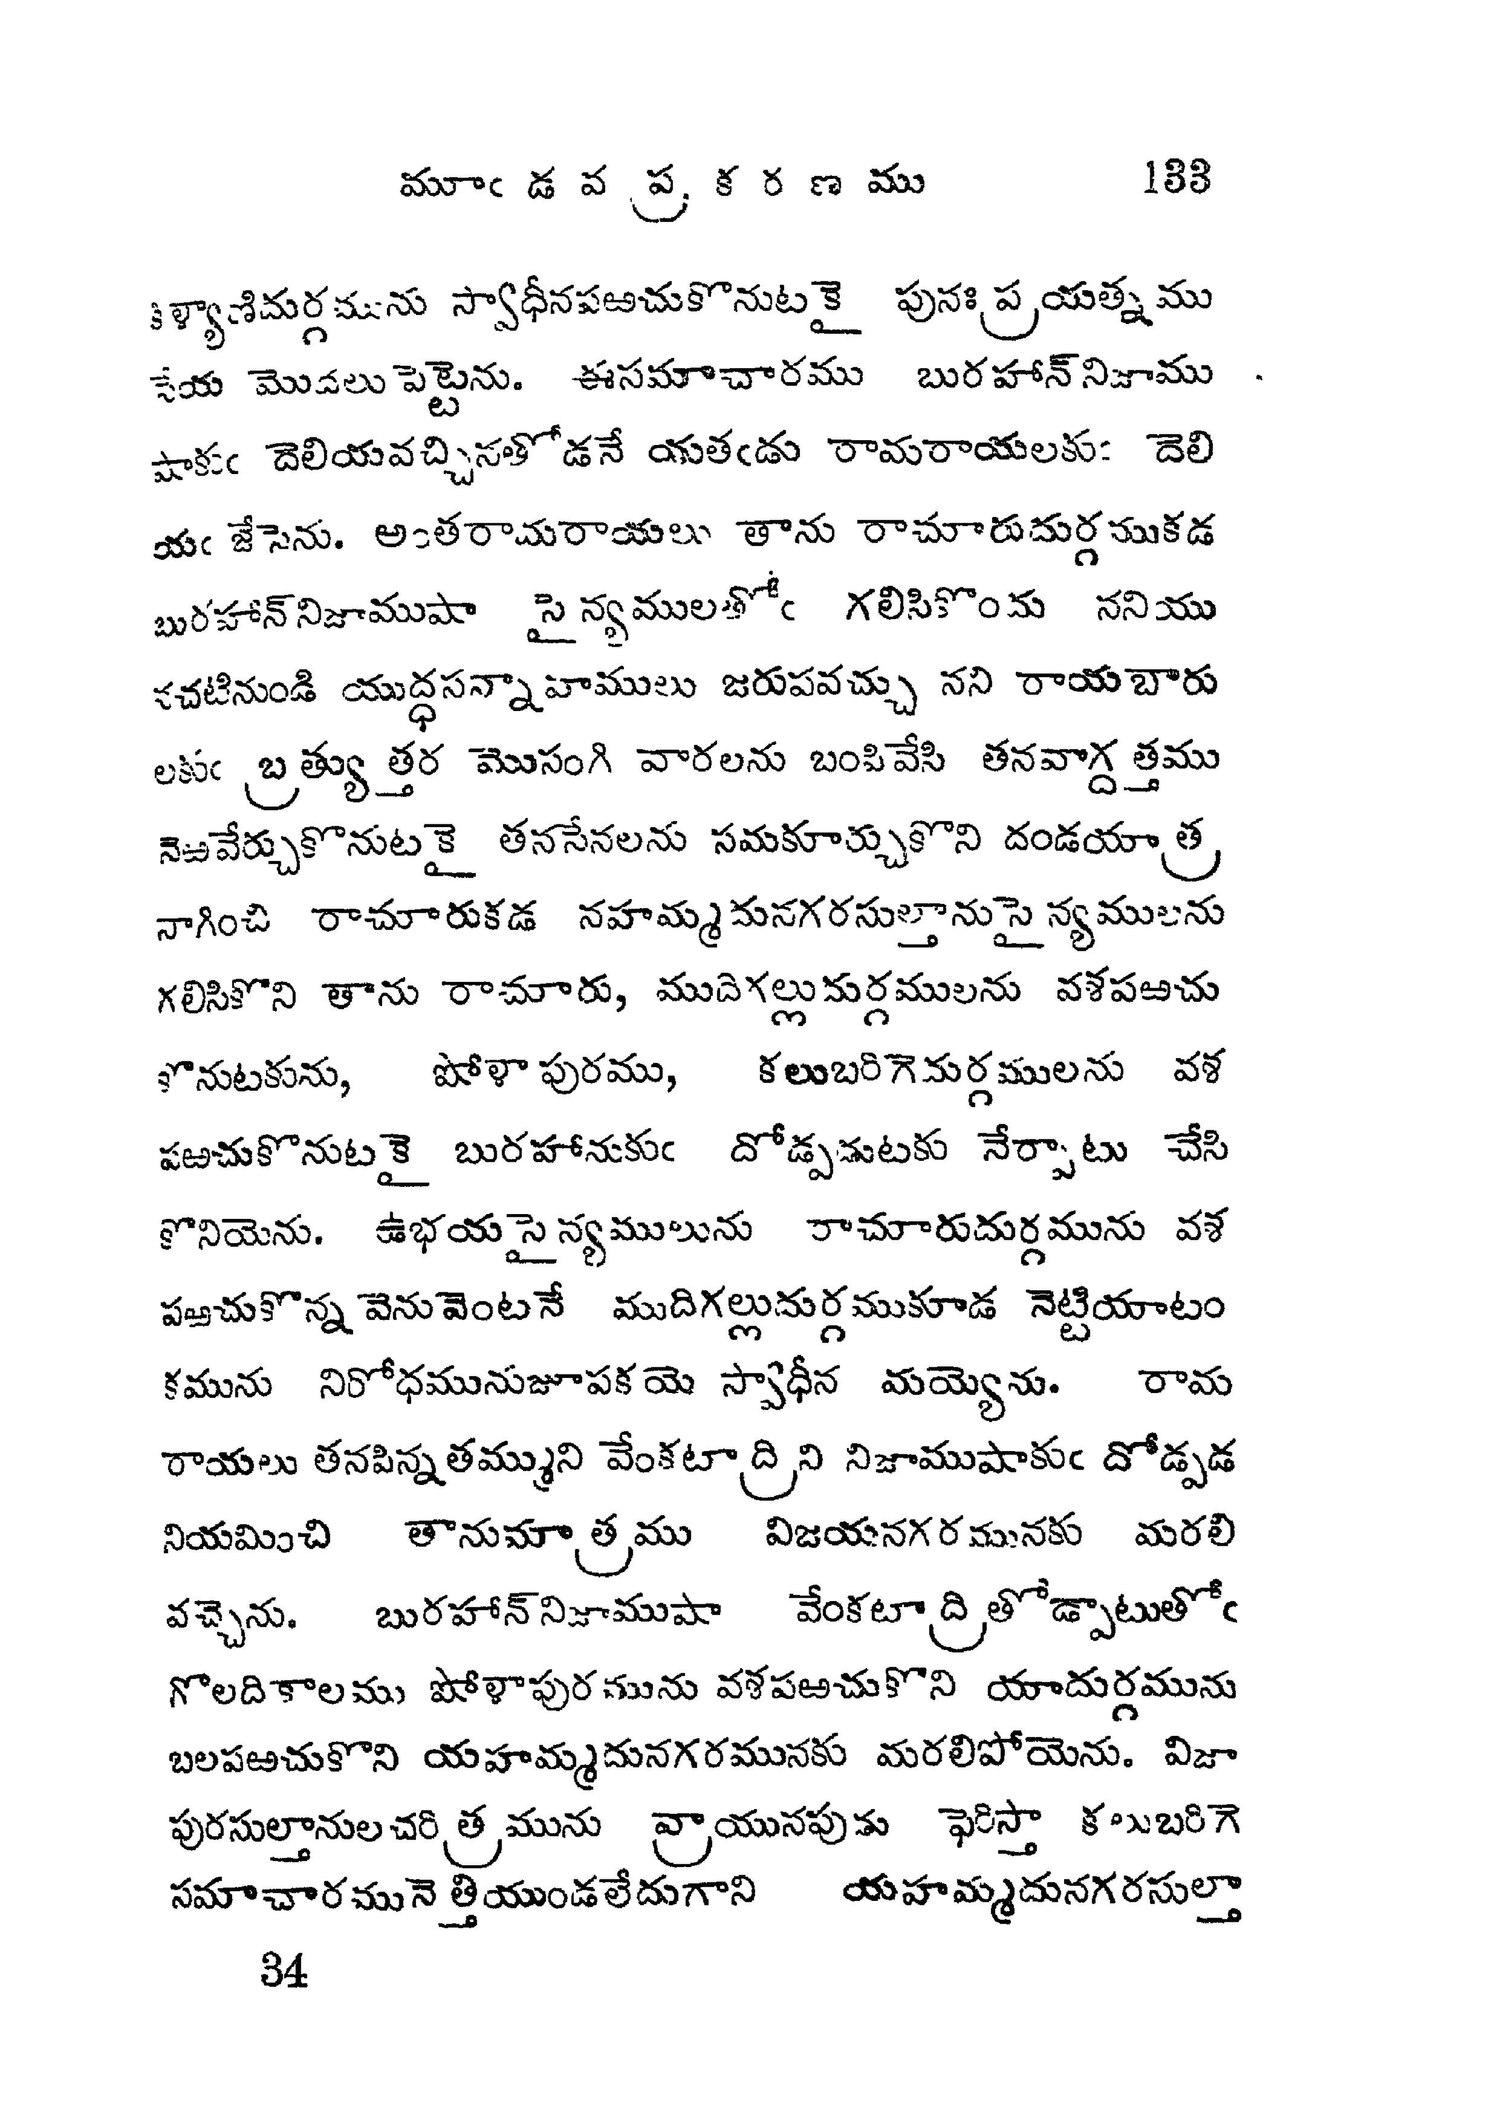కళ్యాణిదుర్గమును స్వాధీనపఱచుకొనుటకై పున:ప్రయత్నముసేయ మొదలుపెట్టెను. ఈసమాచారము బురహాన్‌నిజాముషాకు దెలియవచ్చినతోడనే యతడు రామరాయలకు దెలియ జేసెను. అంతరామరాయలు తాను రాచూరుదుర్గముకడ బురహాన్‌నిజాముషా సైన్యములతో గలిసికొందు ననియు నచటినుండి యుద్ధసన్నాహములు జరుపవచ్చు నని రాయబారులకు బ్రత్యుత్తర మొసంగి వారలను బంపివేసి తనవాగ్దత్తము నెఱవేర్చుకొనుటకై తనసేనలను సమకూర్చుకొని దండయాత్ర సాగించి రాచూరుకడ నహమ్మదునగరసుల్తాను సైన్యములను గలిసికొని తాను రాచూరు, ముదిగల్లుదుర్గములను వశపఱచుకొనుటకును, షోళాపురము, కలుబరిగెదుర్గములను వశపఱచుకొనుటకై బురహానుకు దోడ్పడుటకు నేర్పాటు చేసి కొనియెను. ఉభయసైన్యములును రాచూరుదుర్గమును వశపఱచుకొన్న వెనువెంటనే ముదిగల్లుదుర్గముకూడ నెట్టియాటంకమును నిరోధమునుజూపకయె స్వాధీన మయ్యెను. రామరాయలు తనపిన్నతమ్ముని వేంకటాద్రిని నిజాముషాకు దోడ్పడనియమించి తానుమాత్రము విజయనగరమునకు మరలివచ్చెను. బురహాన్‌నిజాముషా వేంకటాద్రితోడ్పాటుతో గొలదికాలము షోళాపురమును వశపఱచుకొని యాదుర్గమును బలపఱచుకొని యహమ్మదునగరమునకు మరలిపోయెను. విజాపురసుల్తానులచరిత్రమును వ్రాయునపుడు ఫెరిస్తా కలుబరిగె సమాచారము నెత్తియుండలేదుగాని యహమ్మదునగరసుల్తా